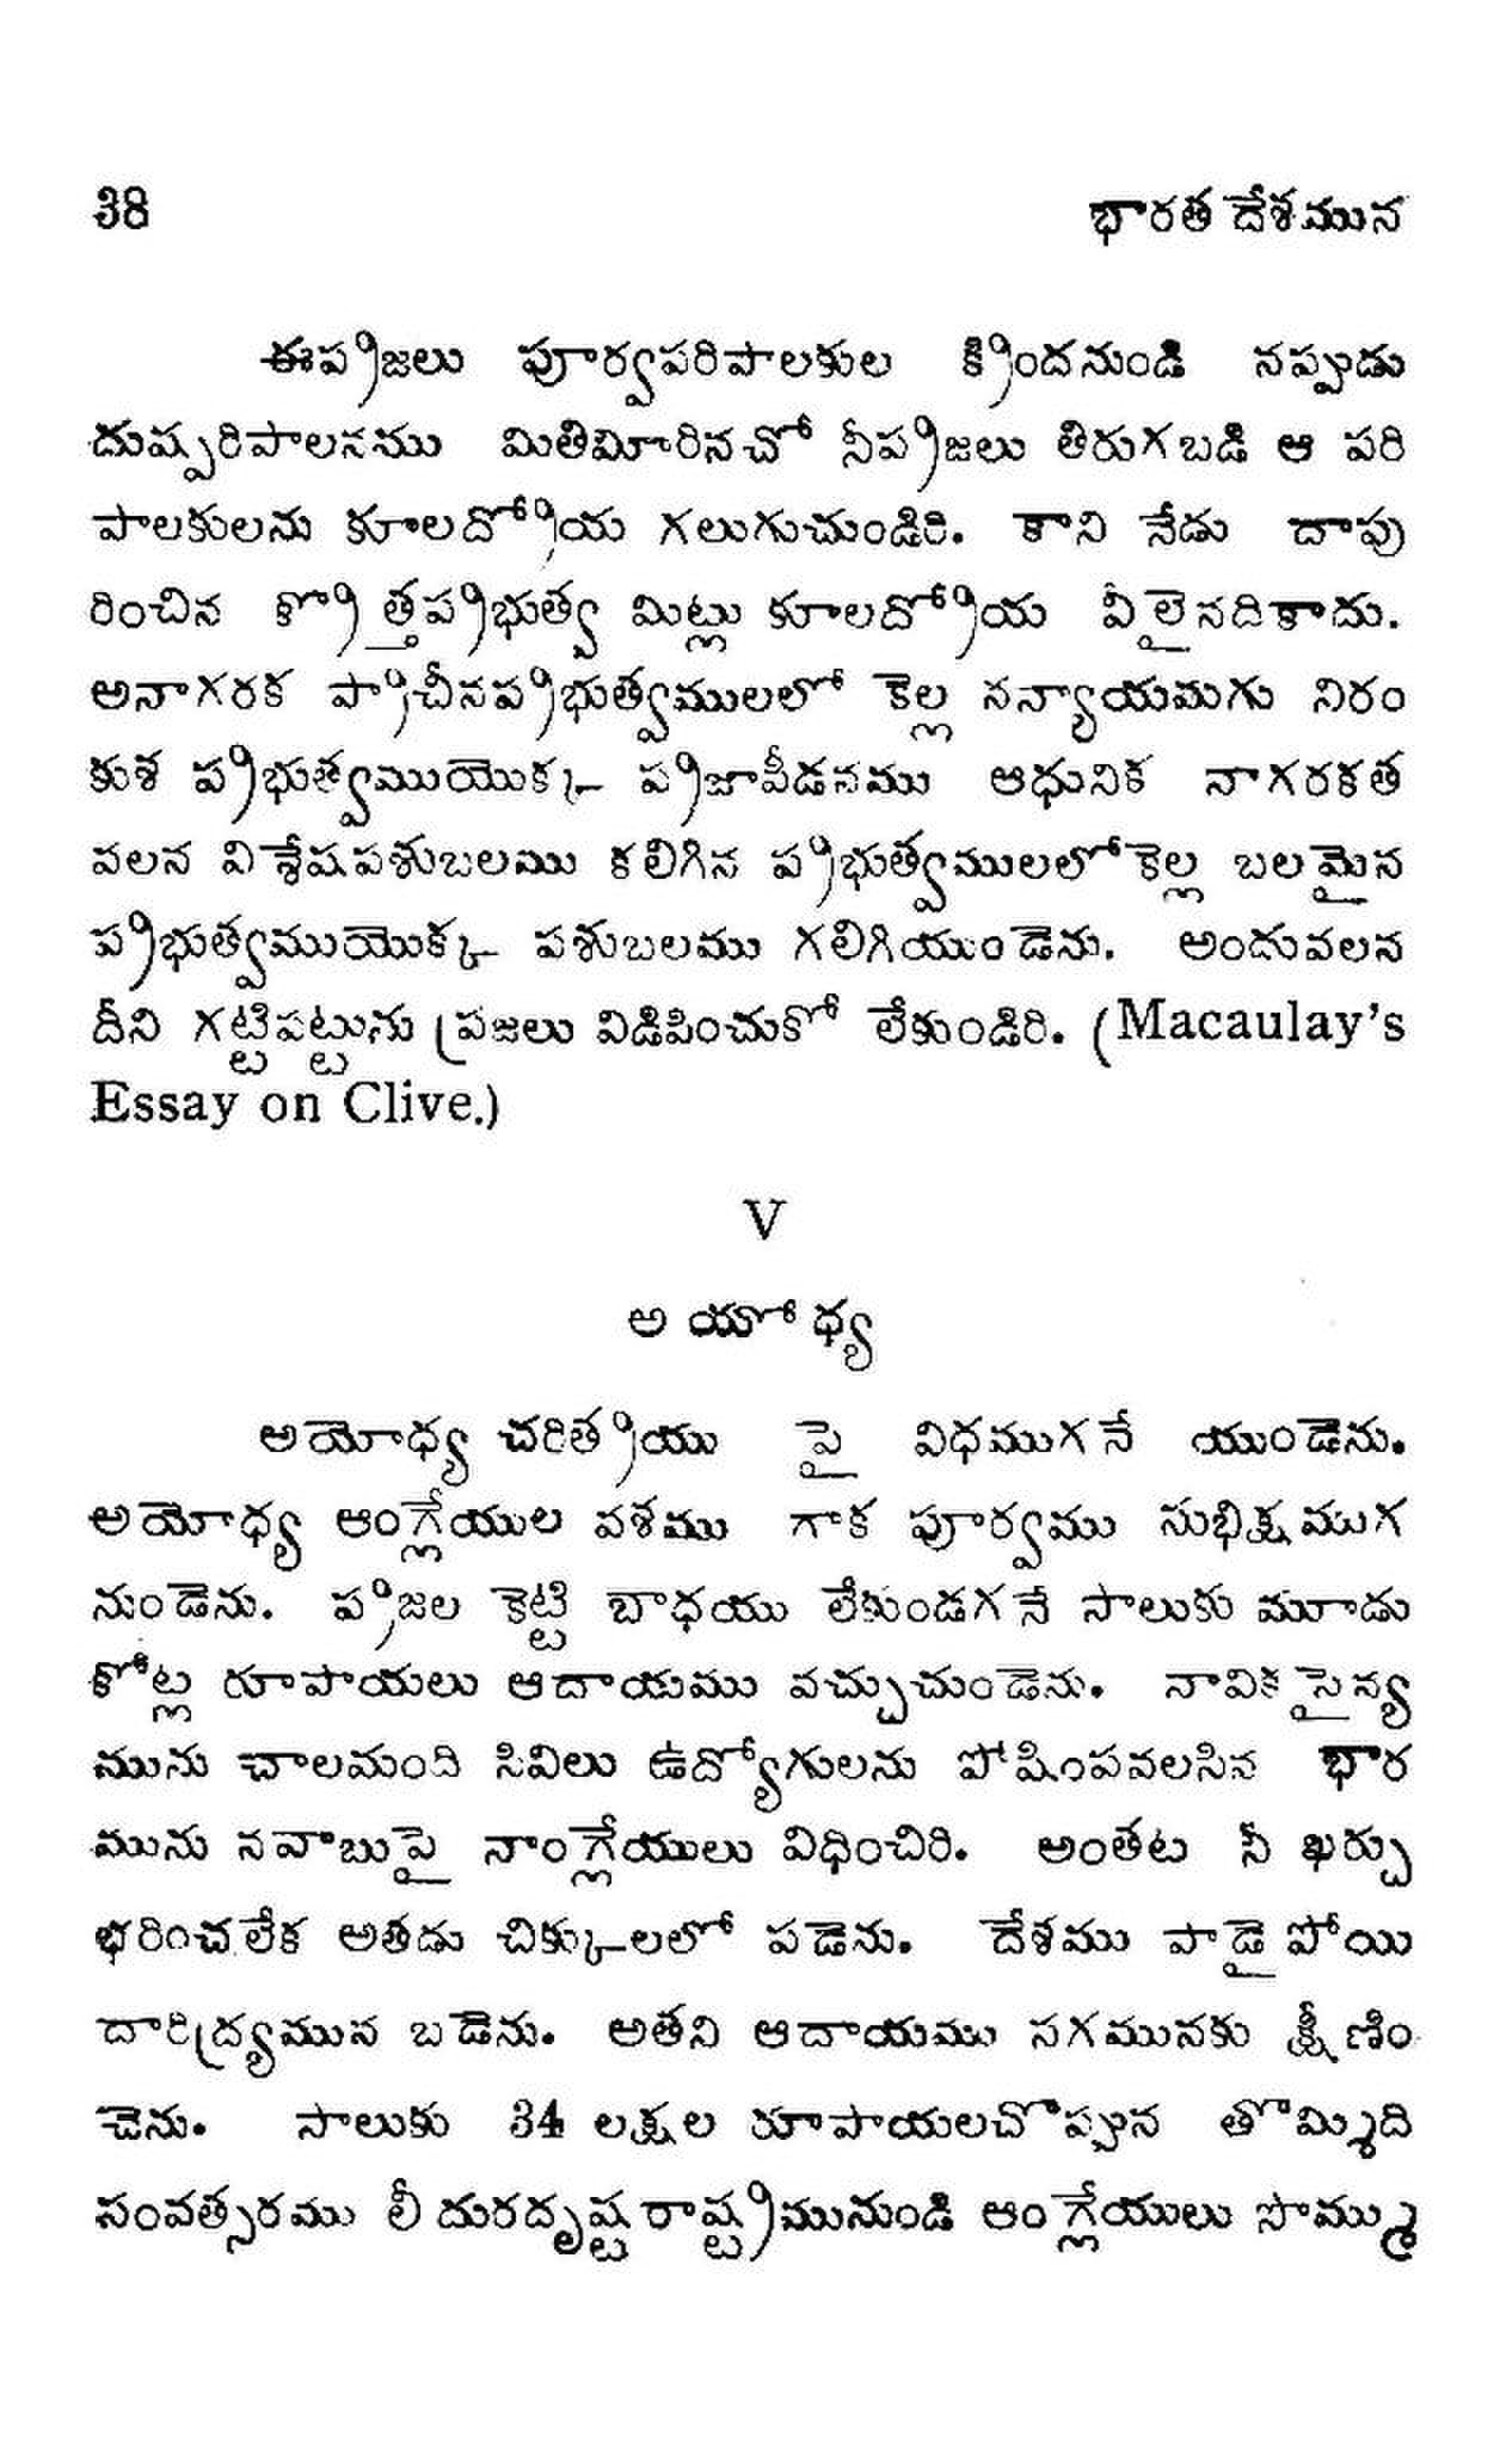ఈప్రజలు పూర్వపరిపాలకుల క్రిందనుండి నప్పుడు దుష్పరిపాలనము మితిమీరినచో నీప్రజలు తిరుగబడి ఆ పరిపాలకులను కూలద్రోయ గలుగుచుండిరి. కాని నేడు దాపురించిన క్రొత్తప్రభుత్వ మిట్లు కూలద్రోయ వీలైనదికాదు. అనాగరక ప్రాచీనప్రభుత్వములలో కెల్ల నన్యాయమగు నిరంకుశ ప్రభుత్వముయొక్క ప్రజాపీడనము ఆధునిక నాగరకత వలన విశేషపశుబలము కలిగిన ప్రభుత్వములలో కెల్ల బలమైన ప్రభుత్వముయొక్క పశుబలము గలిగియుండెను. అందువలన దీని గట్టిపట్టును ప్రజలు విడిపించుకో లేకుండిరి. (Macaulay's Essay on Clive.)

అయోధ్య

అయోధ్య చరిత్రయు పై విధముగనే యుండెను. అయోధ్య ఆంగ్లేయుల వశము గాక పూర్వము సుభిక్షముగ నుండెను. ప్రజల కెట్టి బాధయు లేకుండగనే సాలుకు మూడు కోట్ల రూపాయలు ఆదాయము వచ్చుచుండెను. నావిక సైన్యమును చాలమంది సివిలు ఉద్యోగులను పోషింపవలసిన భారమును నవాబుపై నాంగ్లేయులు విధించిరి. అంతట నీ ఖర్పు భరించలేక అతడు చిక్కులలో పడెను. దేశము పాడైపోయి దారిద్ర్యమున బడెను. అతని ఆదాయము సగమునకు క్షీణించెను. సాలుకు 34 లక్షల రూపాయలచొప్పున తొమ్మిది సంవత్సరము లీ దురదృష్ట రాష్ట్రమునుండి ఆంగ్లేయులు సొమ్ము